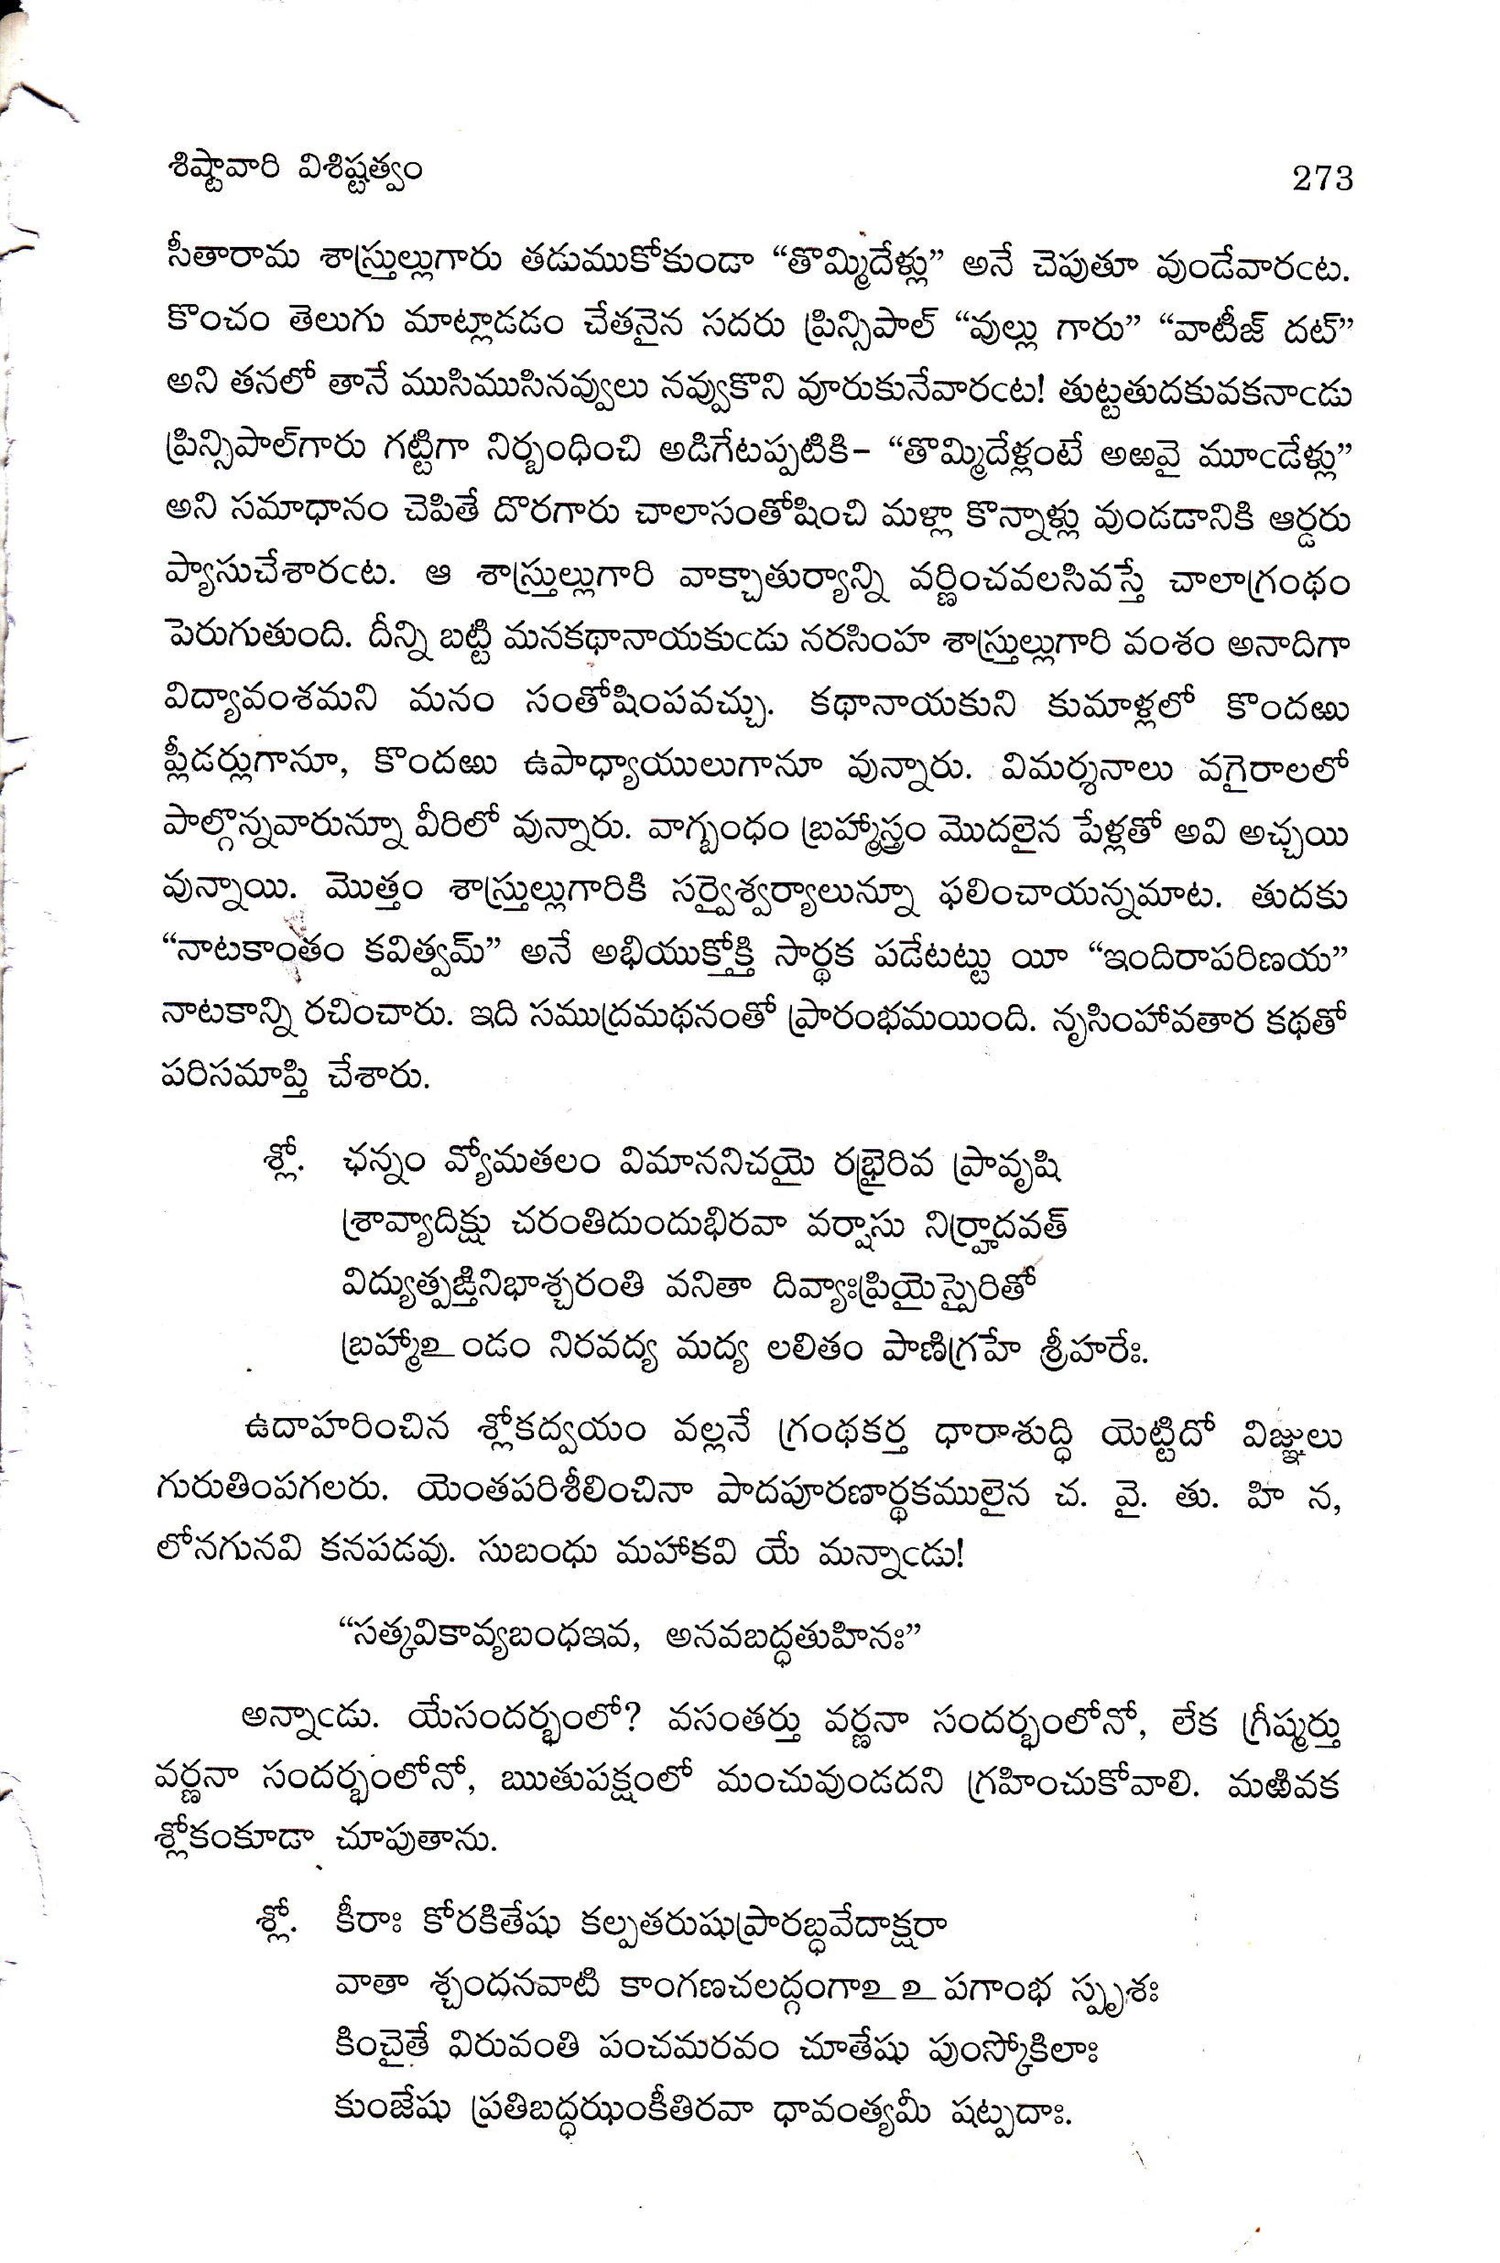సీతారామ శాస్త్రుల్లుగారు తడుముకోకుండా "తొమ్మిదేళ్లు" అనే చెపుతూ వుండేవారఁట. కొంచం తెలుగు మాట్లాడడం చేతనైన సదరు ప్రిన్సిపాల్ “వుల్లు గారు” “వాటీజ్ దట్" అని తనలో తానే ముసిముసినవ్వులు నవ్వుకొని వూరుకునేవారఁట! తుట్టతుదకువకనాఁడు ప్రిన్సిపాల్‌గారు గట్టిగా నిర్బంధించి అడిగేటప్పటికి- "తొమ్మిదేళ్లంటే అఱవై మూఁడేళ్లు" అని సమాధానం చెపితే దొరగారు చాలాసంతోషించి మళ్లా కొన్నాళ్లు వుండడానికి ఆర్డరు ప్యాసుచేశారఁట. ఆ శాస్త్రుల్లుగారి వాక్చాతుర్యాన్ని వర్ణించవలసివస్తే చాలాగ్రంథం పెరుగుతుంది. దీన్ని బట్టి మనకథానాయకుఁడు నరసింహ శాస్త్రుల్లుగారి వంశం అనాదిగా విద్యావంశమని మనం సంతోషింపవచ్చు. కథానాయకుని కుమాళ్లలో కొందఱు ప్లీడర్లుగానూ, కొందఱు ఉపాధ్యాయులుగానూ వున్నారు. విమర్శనాలు వగైరాలలో పాల్గొన్నవారున్నూ వీరిలో వున్నారు. వాగ్భంధం బ్రహ్మాస్త్రం మొదలైన పేళ్లతో అవి అచ్చయి వున్నాయి. మొత్తం శాస్త్రుల్లుగారికి సర్వైశ్వర్యాలున్నూ ఫలించాయన్నమాట. తుదకు "నాటకాంతం కవిత్వమ్” అనే అభియుక్తోక్తి సార్ధక పడేటట్టు యీ “ఇందిరాపరిణయ” నాటకాన్ని రచించారు. ఇది సముద్రమథనంతో ప్రారంభమయింది. నృసింహావతార కథతో పరిసమాప్తి చేశారు.

శ్లో. ఛన్నం వ్యోమతలం విమాననిచయై రభ్రైరివ ప్రావృషి 
 శ్రావ్యాదిక్షు చరంతిదుందుభిరవా వర్షాసు నిర్హ్రదవత్ 
 విద్యుత్పజ్తినిభాశ్చరంతి వనితా దివ్యాఃప్రియై స్పైరితో 
 బ్రహ్మా౽ండం నిరవద్య మద్య లలితం పాణిగ్రహే శ్రీహరేః.
ఉదాహరించిన శ్లోకద్వయం వల్లనే గ్రంథకర్త ధారాశుద్ధి యెట్టిదో విజ్ఞులు గురుతింపగలరు. యెంతపరిశీలించినా పాదపూరణార్థకములైన చ. వై. తు. హి. న. లోనగునవి కనపడవు. సుబంధు మహాకవి యే మన్నాఁడు!

“సత్కవికావ్యబంధఇవ, అనవబద్ధతుహినః"
అన్నాఁడు. యేసందర్భంలో? వసంతర్తు వర్ణనా సందర్భంలోనో, లేక గ్రీష్మర్తు వర్ణనా సందర్భంలోనో, ఋతుపక్షంలో మంచువుండదని గ్రహించుకోవాలి. మఱివక శ్లోకంకూడా చూపుతాను.

శ్లో. కీరాః కోరకితేషు కల్పతరుషుప్రారబ్దవేదాక్షరా
 వాతా శ్చందనవాటి కాంగణచలద్గంగా౽౽పగాంభ స్పృశః 
 కించైతే విరువంతి పంచమరవం చూతేషు పుంస్కోకిలాః 
 కుంజేషు ప్రతిబద్ధఝంకీతిరవా ధావంత్యమీ షట్పదాః,